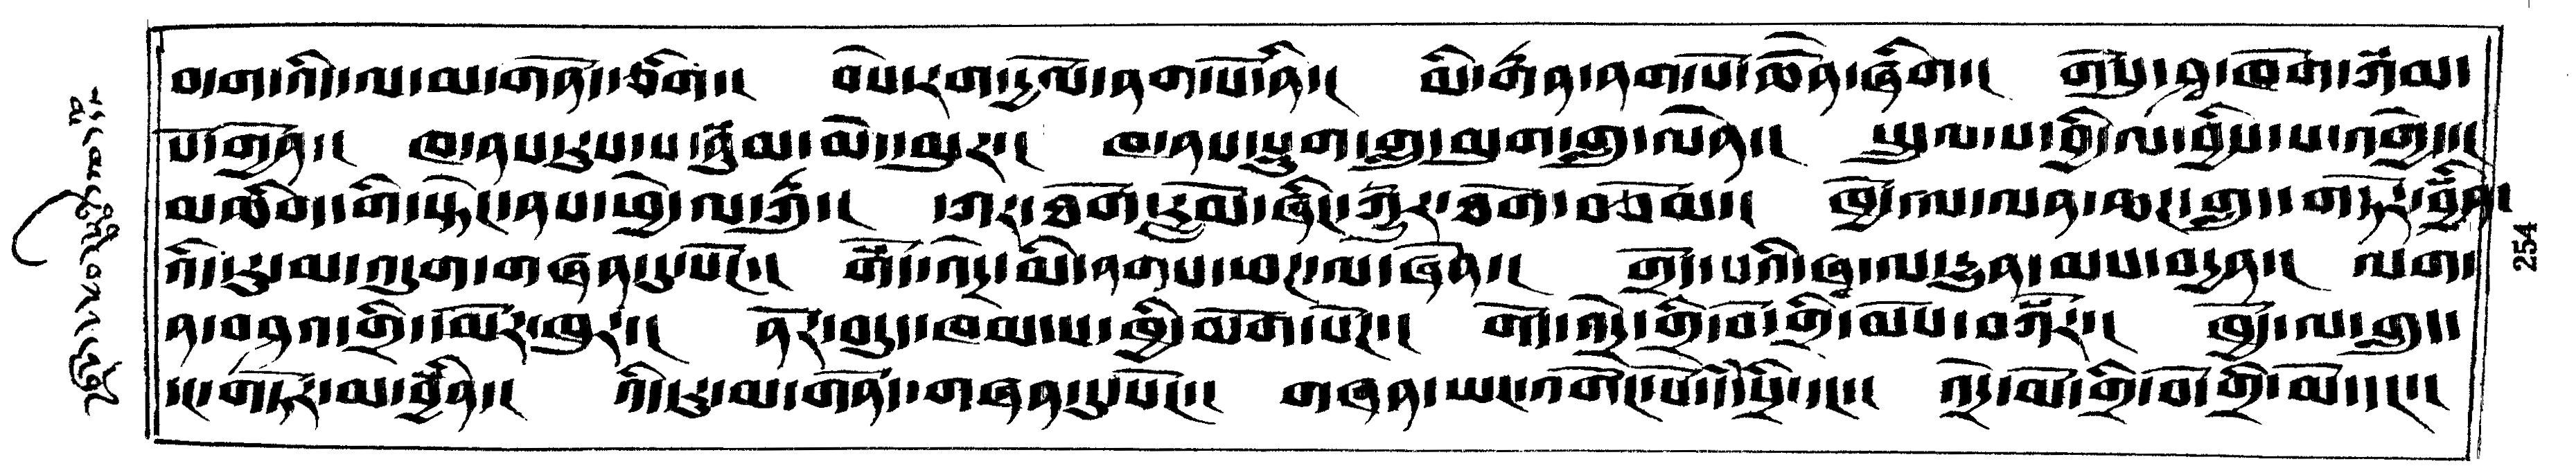བདག་འདི་ལ་མ་གནོད་ཅིག །བསེ་རག་རྒྱལ་པོ་ནག་པོ་ནི། །མི་རྒན་ནག་པོ་ཆེན་པོ་ཞིག །གོས་སུ་ཤ་ཁོག་སྐམ་
པོ་གྱོན།ཁ་ན་རུས་པ་སྣུམ་མེད་མུར། །ཁ་ནས་སྡུག་གླུ་མུག་གླུ་ལེན། །སྤྲུལ་པ་བྱི་ལ་བྱིས་པ་འགྱེད། །
མཆིག་གི་སྟེང་ནས་ཕྱེ་ལ་རྐུ། །དཀར་ཐོག་རློམ་ཞིང་སྐུར་ཐོག་བཅོམ། ཁྱོད་ལ་ལན་ཆགས་གླུད་གཏོར་སྦྱི། 
འདི་རུ་མ་འདུག་གཞན་དུ་སོང་། །གོང་འདྲེ་མི་ནག་ཕག་ལ་ཞོན། །གྲོད་པའི་ཞྭ་ལ་རྒྱུན་མས་བརྒྱན། །ལག་
ན་བཤའ་གྲི་དམར་པོ་ཁུར། །ནོར་བདུད་ཁམ་ས་ཁྱི་མགོ་སོགས། །གོ་འདྲེ་གྲི་བོ་གྲི་མོས་བསྐོར། །ཁྱོད་ལ་གླུད་
དང་གཏོར་མ་སྦྱིན། འདི་རུ་མ་གནོད་གཞན་དུ་སོང་། །གཞན་ཡང་འགོང་པོ་དམ་སྲི་དང་། །འདྲེ་མོ་གྲི་བོ་གྲི་མོ་དང་། །